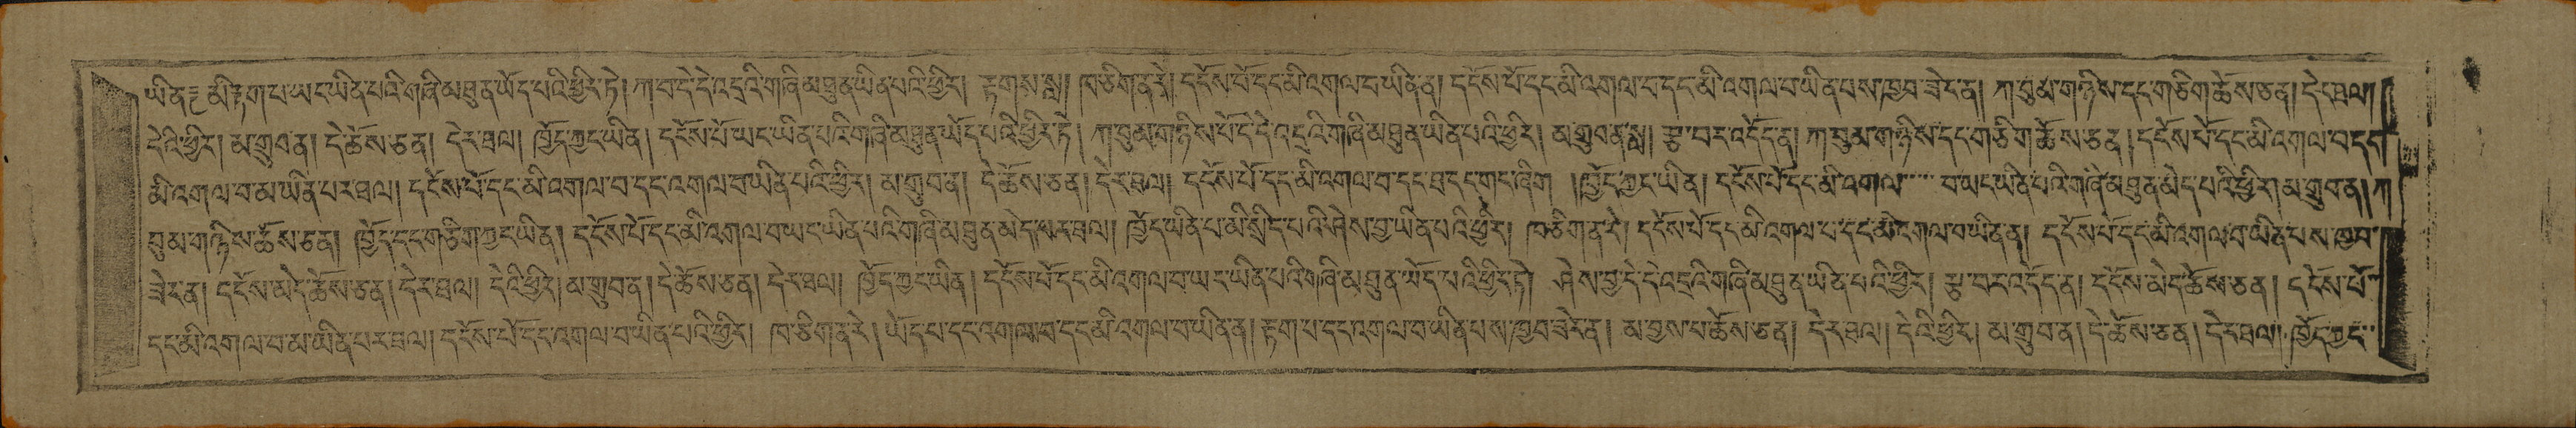ཡིན༑ མི་རྟག་པ་ཡང་ཡིན་པའི་གཞི་མཐུན་ཡོད་པའི་ཕྱིར་ཏེ། ཀ་བ་དེ་དེ་འདྲའི་གཞི་མཐུན་ཡིན་པའི་ཕྱིར། རྟགས་སླ། ཁ་ཅིག་ན་རེ། དངོས་པོ་དང་མི་འགལ་བ་ཡིན་ན། དངོས་པོ་དང་མི་འགལ་བ་དང་མི་འགལ་བ་ཡིན་པས་ཁྱབ་ཟེར་ན། ཀ་བུམ་གཉིས་དང་གཅིག་ཆོས་ཅན། དེར་ཐལ།
དེའི་ཕྱིར། མ་གྲུབ་ན། དེ་ཆོས་ཅན། དེར་ཐལ། ཁྱོད་ཀྱང་ཡིན། དངོས་པོ་ཡང་ཡིན་པའི་གཞི་མཐུན་ཡོད་པའི་ཕྱིར་ཏེ། ཀ་བུམ་གཉིས་པོ་དེ་དེ་འདྲའི་གཞི་མཐུན་ཡིན་པའི་ཕྱིར། མ་གྲུབ་ན་སླ། རྩ་བར་འདོད་ན། ཀ་བུམ་གཉིས་དང་གཅིག་ཆོས་ཅན། དངོས་པོ་དང་མི་འགལ་བ་དང་།
མི་འགལ་བ་མ་ཡིན་པར་ཐལ། དངོས་པོ་དང་མི་འགལ་བ་དང་འགལ་བ་ཡིན་པའི་ཕྱིར། མ་གྲུབ་ན། དེ་ཆོས་ཅན། དེར་ཐལ། དངོས་པོ་དང་མི་འགལ་བ་དང་ཐ་དད་གང་ཞིག །ཁྱོད་ཀྱང་ཡིན། དངོས་པོ་དང་མི་འགལ་བ་ཡང་ཡིན་པའི་གཞི་མཐུན་མེད་པའི་ཕྱིར། མ་གྲུབ་ན། ཀ་
བུམ་གཉིས་ཆོས་ཅན། ཁྱོད་དང་གཅིག་ཀྱང་ཡིན། དངོས་པོ་དང་མི་འགལ་བ་ཡང་ཡིན་པའི་གཞི་མཐུན་མེད་པར་ཐལ། ཁྱོད་ཡིན་པ་མི་སྲིད་པའི་ཤེས་བྱ་ཡིན་པའི་ཕྱིར། ཁ་ཅིག་ན་རེ། དངོས་པོ་དང་མི་འགལ་བ་དང་མི་འགལ་བ་ཡིན་ན། དངོས་པོ་དང་མི་འགལ་བ་ཡིན་པས་ཁྱབ་
ཟེར་ན། དངོས་མེད་ཆོས་ཅན། དེར་ཐལ། དེའི་ཕྱིར། མ་གྲུབ་ན། དེ་ཆོས་ཅན། དེར་ཐལ། ཁྱོད་ཀྱང་ཡིན། དངོས་པོ་དང་མི་འགལ་བ་ཡང་ཡིན་པའི་གཞི་མཐུན་ཡོད་པའི་ཕྱིར་ཏེ། ཤེས་བྱ་དེ་དེ་འདྲའི་གཞི་མཐུན་ཡིན་པའི་ཕྱིར། རྩ་བར་འདོད་ན། དངོས་མེད་ཆོས་ཅན། དངོས་པོ་
དང་མི་འགལ་བ་མ་ཡིན་པར་ཐལ། དངོས་པོ་དང་འགལ་བ་ཡིན་པའི་ཕྱིར། ཁ་ཅིག་ན་རེ། ཡོད་པ་དང་འགལ་བ་དང་མི་འགལ་བ་ཡིན་ན། རྟག་པ་དང་འགལ་བ་ཡིན་པས་ཁྱབ་ཟེར་ན། མ་བྱས་པ་ཆོས་ཅན། དེར་ཐལ། དེའི་ཕྱིར། མ་གྲུབ་ན། དེ་ཆོས་ཅན། དེར་ཐལ། ཁྱོད་ཀྱང་